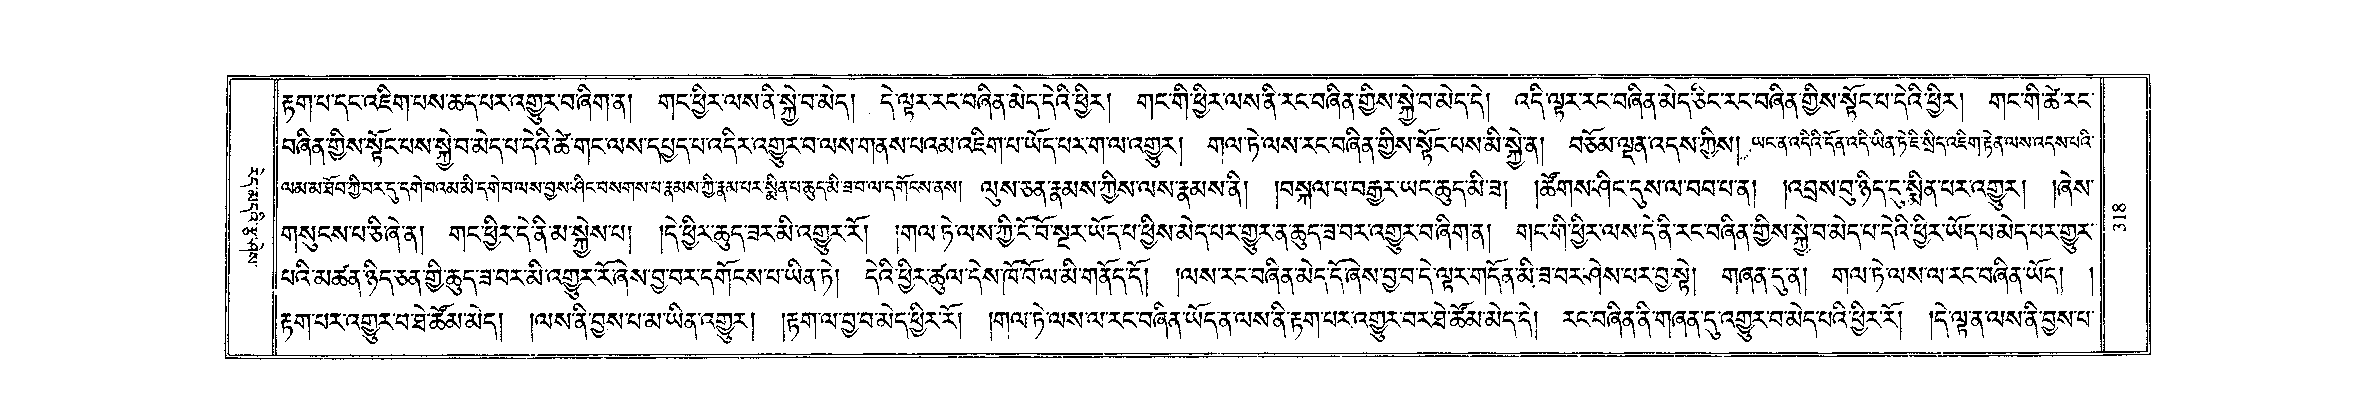རྟག་པ་དང་འཇིག་པས་ཆད་པར་འགྱུར་བ་ཞིག་ན། གང་ཕྱིར་ལས་ནི་སྐྱེ་བ་མེད། དེ་ལྟར་རང་བཞིན་མེད་དེའི་ཕྱིར། གང་གི་ཕྱིར་ལས་ནི་རང་བཞིན་གྱིས་སྐྱེ་བ་མེད་དེ། འདི་ལྟར་རང་བཞིན་མེད་ཅིང་རང་བཞིན་གྱིས་སྟོང་པ་དེའི་ཕྱིར། གང་གི་ཚེ་རང་
བཞིན་གྱིས་སྟོང་པས་སྐྱེ་བ་མེད་པ་དེའི་ཚེ་གང་ལས་དཔྱད་པ་འདིར་འགྱུར་བ་ལས་གནས་པའམ་འཇིག་པ་ཡོད་པར་ག་ལ་འགྱུར། གལ་ཏེ་ལས་རང་བཞིན་གྱིས་སྟོང་པས་མི་སྐྱེ་ན། བཅོམ་ལྡན་འདས་ཀྱིས། ཡང་ན་འདིའི་དོན་འདི་ཡིན་ཏེ་ཇི་སྲིད་འཇིག་རྟེན་ལས་འདས་པའི་
ལམ་མ་ཐོབ་ཀྱི་བར་དུ་དགེ་བའམ་མི་དགེ་བ་ལས་བྱས་ཤིང་བསགས་པ་རྣམས་ཀྱི་རྣམ་པར་སྨིན་པ་ཆུད་མི་ཟ་བ་ལ་དགོངས་ནས། ལུས་ཅན་རྣམས་ཀྱིས་ལས་རྣམས་ནི། །བསྐལ་པ་བརྒྱར་ཡང་ཆུད་མི་ཟ། །ཚོགས་ཤིང་དུས་ལ་བབ་པ་ན། །འབྲས་བུ་ཉིད་དུ་སྨིན་པར་འགྱུར། །ཞེས་
གསུངས་པ་ཅི་ཞེ་ན། གང་ཕྱིར་དེ་ནི་མ་སྐྱེས་པ། །དེ་ཕྱིར་ཆུད་ཟར་མི་འགྱུར་རོ། །གལ་ཏེ་ལས་ཀྱི་ངོ་བོ་སྔར་ཡོད་པ་ཕྱིས་མེད་པར་གྱུར་ན་ཆུད་ཟ་བར་འགྱུར་བ་ཞིག་ན། གང་གི་ཕྱིར་ལས་དེ་ནི་རང་བཞིན་གྱིས་སྐྱེ་བ་མེད་པ་དེའི་ཕྱིར་ཡོད་པ་མེད་པར་གྱུར་
པའི་མཚན་ཉིད་ཅན་གྱི་ཆུད་ཟ་བར་མི་འགྱུར་རོ་ཞེས་བྱ་བར་དགོངས་པ་ཡིན་ཏེ། དེའི་ཕྱིར་ཚུལ་དེས་ཁོ་བོ་ལ་མི་གནོད་དོ། །ལས་རང་བཞིན་མེད་དོ་ཞེས་བྱ་བ་དེ་ལྟར་གདོན་མི་ཟ་བར་ཤེས་པར་བྱ་སྟེ། གཞན་དུ་ན། གལ་ཏེ་ལས་ལ་རང་བཞིན་ཡོད། །
རྟག་པར་འགྱུར་བ་ཐེ་ཚོམ་མེད། །ལས་ནི་བྱས་པ་མ་ཡིན་འགྱུར། །རྟག་ལ་བྱ་བ་མེད་ཕྱིར་རོ། །གལ་ཏེ་ལས་ལ་རང་བཞིན་ཡོད་ན་ལས་ནི་རྟག་པར་འགྱུར་བར་ཐེ་ཚོམ་མེད་དེ། རང་བཞིན་ནི་གཞན་དུ་འགྱུར་བ་མེད་པའི་ཕྱིར་རོ། །དེ་ལྟ་ན་ལས་ནི་བྱས་པ་